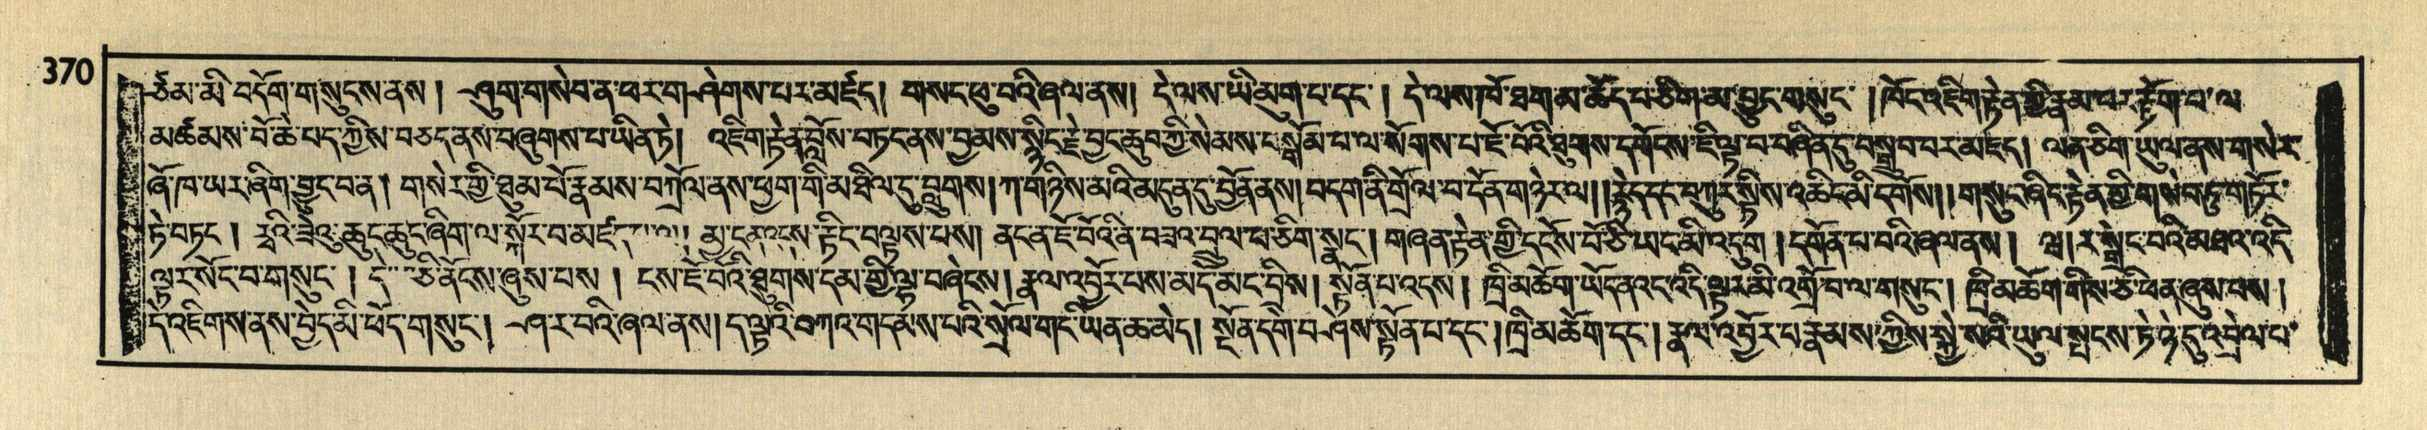ཙམ་མི་བདོག་གསུངས་ནས། ཤུག་གསེབ་ན་ཕར་གཤེགས་པར་མཛད། གསང་ཕུ་བའི་ཞལ་ནས། དེ་ལས་ཡི་མུག་པ་དང་། དེ་ལས་ཁོ་ཐག་མ་ཆོད་པ་ཅིག་མ་བྱུང་གསུང་།ཁོང་འཇིག་རྟེན་གྱི་རྣམ་པར་རྟོག་བ་ལ་
མཚམས་བོ་ཆེ་པད་ཀྱིས་བཅད་ནས་བཞུགས་པ་ཡིན་ཏེ། འཇིག་རྟེན་བློས་བཏང་ནས་བྱམས་སྙིང་རྗེ་བྱང་ཆུབ་ཀྱི་སེམས་བསྒོམ་པ་ལ་སོགས་པ་ཇོ་བོའི་ཐུགས་དགོངས་ཇི་ལྟ་བ་བཞིན་དུ་བསྒྲུབ་བར་མཛད། ལན་ཅིག་ཡུལ་ནས་གསེར་
ཞོ་ཁ་ཡར་ཞིག་བྱུང་བ་ན། གསེར་གྱི་ཐུམ་པོ་རྣམས་བཀྲོལ་ནས་ཕྱག་གི་མཐིལ་དུ་བླུགས། ཀ་གཉིས་མའི་མདུན་དུ་བྱོན་ནས། བདག་ནི་གྲོལ་བ་དོན་གཉེར་ལ། །རྙེད་དང་བཀུར་སྟིས་འཆིང་མི་དགོས། །གསུང་ཞིང་རྟེན་གྱི་གསེབ་ཏུ་གཏོར་
ཏེ་བཏང་། རྭའི་ཟེའུ་ཆུང་ཆུང་ཞིག་ལ་སྐོར་བ་མཛད་པ་ལ། མྱ་ངན་འདས་རྟིང་བལྟས་པས། ནང་ན་ཇོ་བོའི་ན་བཟའ་བྲུལ་པ་ཅིག་སྣང་། གཞན་རྟེན་གྱི་དངོས་པོ་ཅི་ཡང་མི་འདུག །དགོན་པ་བའི་ཞལ་ནས། ཝ། ར་སྒྲེང་བའི་མཐའ་འདི་
ལྟར་སོང་བ་གསུང་། དེ་ཅི་ནོངས་ཞུས་པས། ངས་ཇོ་བོའི་ཐུགས་དམ་གྱི་ལྷ་བཞེངས། རྣལ་འབྱོར་པས་མདོ་མང་བྲིས། སྟོན་པ་འདས། ཁྲི་མཆོག་ཡོད་ནའང་འདི་ལྟར་མི་འགྲོ་བ་ལ་གསུང་། ཁྲི་མཆོག་གིས་ཅི་ཕན་ཞུས་པས།
དེ་འཇིགས་ནས་བྱེད་མི་ཕོད་གསུང་། ཤ་ར་བའི་ཞལ་ནས། ད་ལྟའི་བཀའ་གདམས་པའི་སྲོལ་གང་ཡིན་ཆ་མེད། སྔོན་དགེ་བཤེས་སྟོན་པ་དང་། ཁྲི་མཆོག་དང་། རྣལ་འབྱོར་པ་རྣམས་ཀྱིས་སྐྱེ་སའི་ཡུལ་སྤངས་ཏེ་ཉེ་དུ་འབྲེལ་པ་